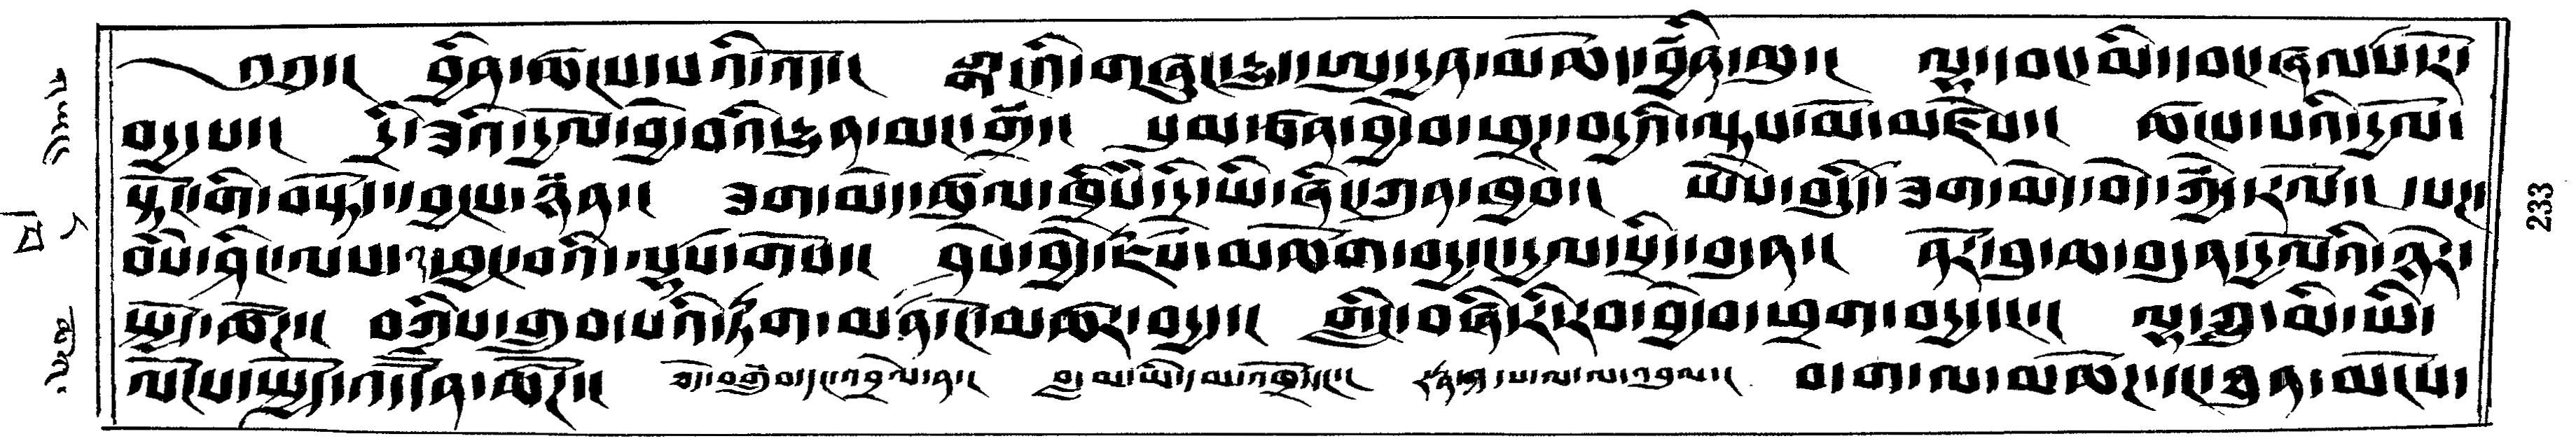བྱིན་ཚངས་པའི་འོད། །གངྒའི་གཞུང་རྒྱུད་ཨུ་རྒྱན་མཆོད་སྦྱིན་ཆུ། །ལྷ་དབང་མི་དབང་ཞལ་ཟས་རོ་
བརྒྱ་པ། །དྲི་ཟའི་རྒྱལ་པོ་བྱེ་བའི་རྒྱུད་མང་སྒྲ། །སུམ་རྩེན་བྱེ་བ་ཕྲག་བརྒྱའི་བལྟད་མོ་མཛེས། །ཚངས་པའི་རྒྱལ་པོ་
སྟོང་གི་བསྟོད་དབྱངས་སྙན། །ཟག་མེད་ཚུལ་ཁྲིམས་དྲི་ཡི་ཞིང་ཀུན་ཁྱབ། །ཡེ་ཤེས་བདུད་རྩིའི་ཟག་མེད་བདེ་སྐྱེད་རོལ། །དཔག་
བསམ་ཤིང་ལས་འཕྱང་བའི་ལྷརྫས་གོས། །ཤིས་བྱེད་རྫས་མཆོག་བརྒྱད་དང་རྒྱལ་སྲིད་བདུན། །ནོར་བུ་ཆ་བདུན་རྒྱལ་པོའི་ཉེར་
སྤྱོད་ཚོགས། །བཀྲ་ཤིས་གྲུབ་པའི་རྟགས་མཚན་ངོ་མཚར་བརྒྱད། །གླིང་བཞི་རི་རབ་བྱེ་བ་ཕྲག་བརྒྱ་དང་། །ལྷ་ཀླུ་མི་ཡི་
ལོངས་སྤྱོད་འདོད་ཡོན་ཚོགས། ཐོད་སྒྲུབ་དང་འབྲེལ་ན། བླ་མ་ཡི་དམ་འཁའ་འགྲོ་དང་། རཏྣ་ཤ་ཝ་རི་ལ་འབུལ། བདག་ལ་མཆོག་དང་ཐུན་མོང་